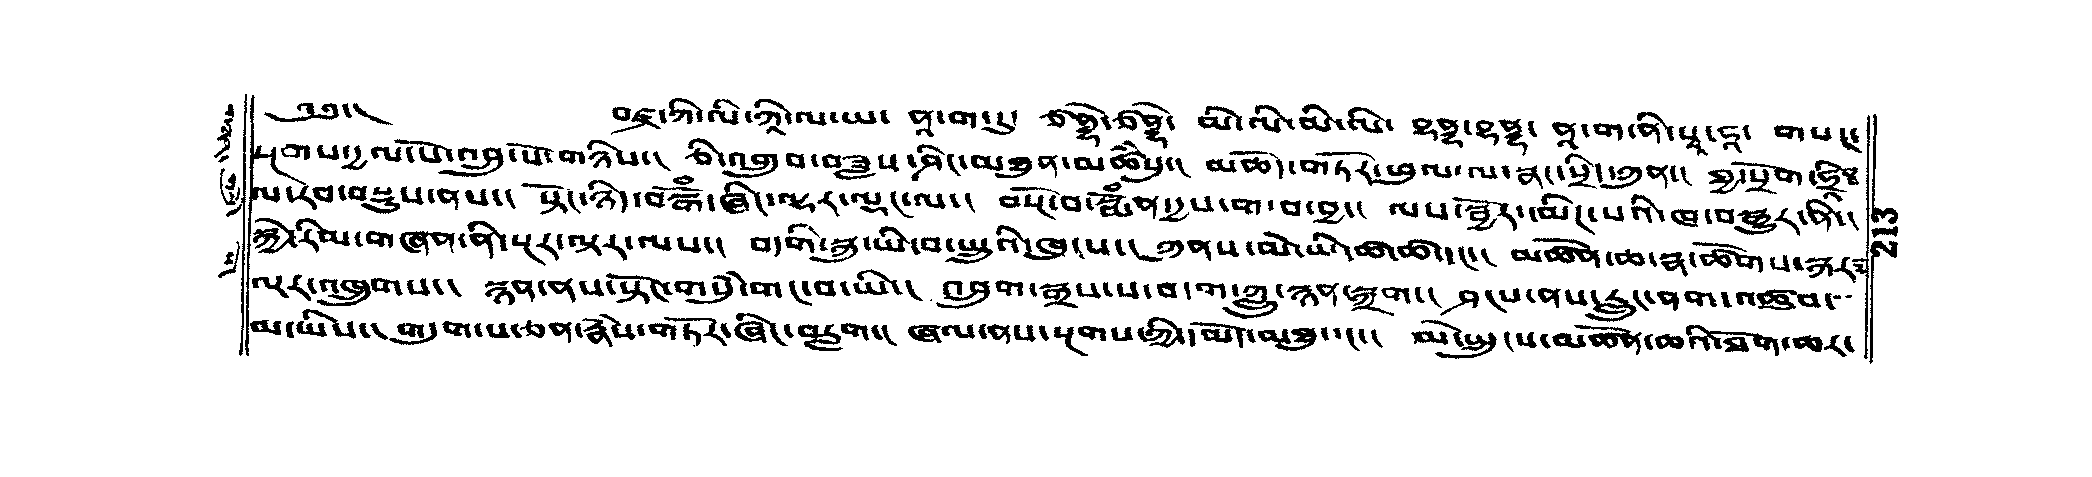བཛྲ་ཀི་ལོ་ཀཱི་ལ་ཡ། ནཱ་ག་དུ ཙནྡྷེ་ཙ་ནྡྷེ། མི་ལི་མི་ལི། བྷནྡྷ་བྷནྡྷ། ནཱ་ག་ནི་སྭཱ་ཧཱ། གསང་
སྔགས་རྒྱལ་པོ་འབྲུ་པོ་གཉིས། ཅི་འགྲུབ་བཟླས་ཤིང་མཐུན་མཚམས་སུ། མཆོད་གཏོར་ཕུལ་ལ་སྣང་སྲིད་ཀུན། ཐུགས་སྲོག་ཧྲཱིཿ
ལ་རབ་བསྡུས་ནས། སྟོང་ཉིད་བསྒོམ་ཞིང་ལྷར་ལྡང་ལ། བསྔོ་བ་སྨོན་ལམ་རྒྱས་གདབ་བྱ། ལས་སྦྱོར་དམིགས་པའི་ཁ་བསྒྱུར་ནི། 
སྐྱེ་རིམ་གཞན་ནི་སྔར་ལྟར་ལས། བདག་གི་སྐུ་ཡི་བ་སྤུའི་ཁུངས། ཀུན་ནས་མེ་ཡི་ཚ་ཚ་དང་། མཚོན་ཆ་སྣ་ཚོགས་སྐར་
ལྔར་འཁྲུགས། སྙན་ནས་སྟོང་གསུམ་གང་བ་ཡི། འབྲུག་སྒྲས་པ་བདག་ཀླུ་སྙན་སྐྲག ཤངས་ནས་རླུང་ནག་འཚུབ་
མ་ཡིས། གདུག་པ་ཅན་རྣམས་གཏོར་ཞིང་བརླག ཞལ་ནས་སྔགས་ཀྱི་དམོད་མཐུ་དང་། མེ་སྤུངས་མཚོན་ཆའི་ཐོག་ཆར་